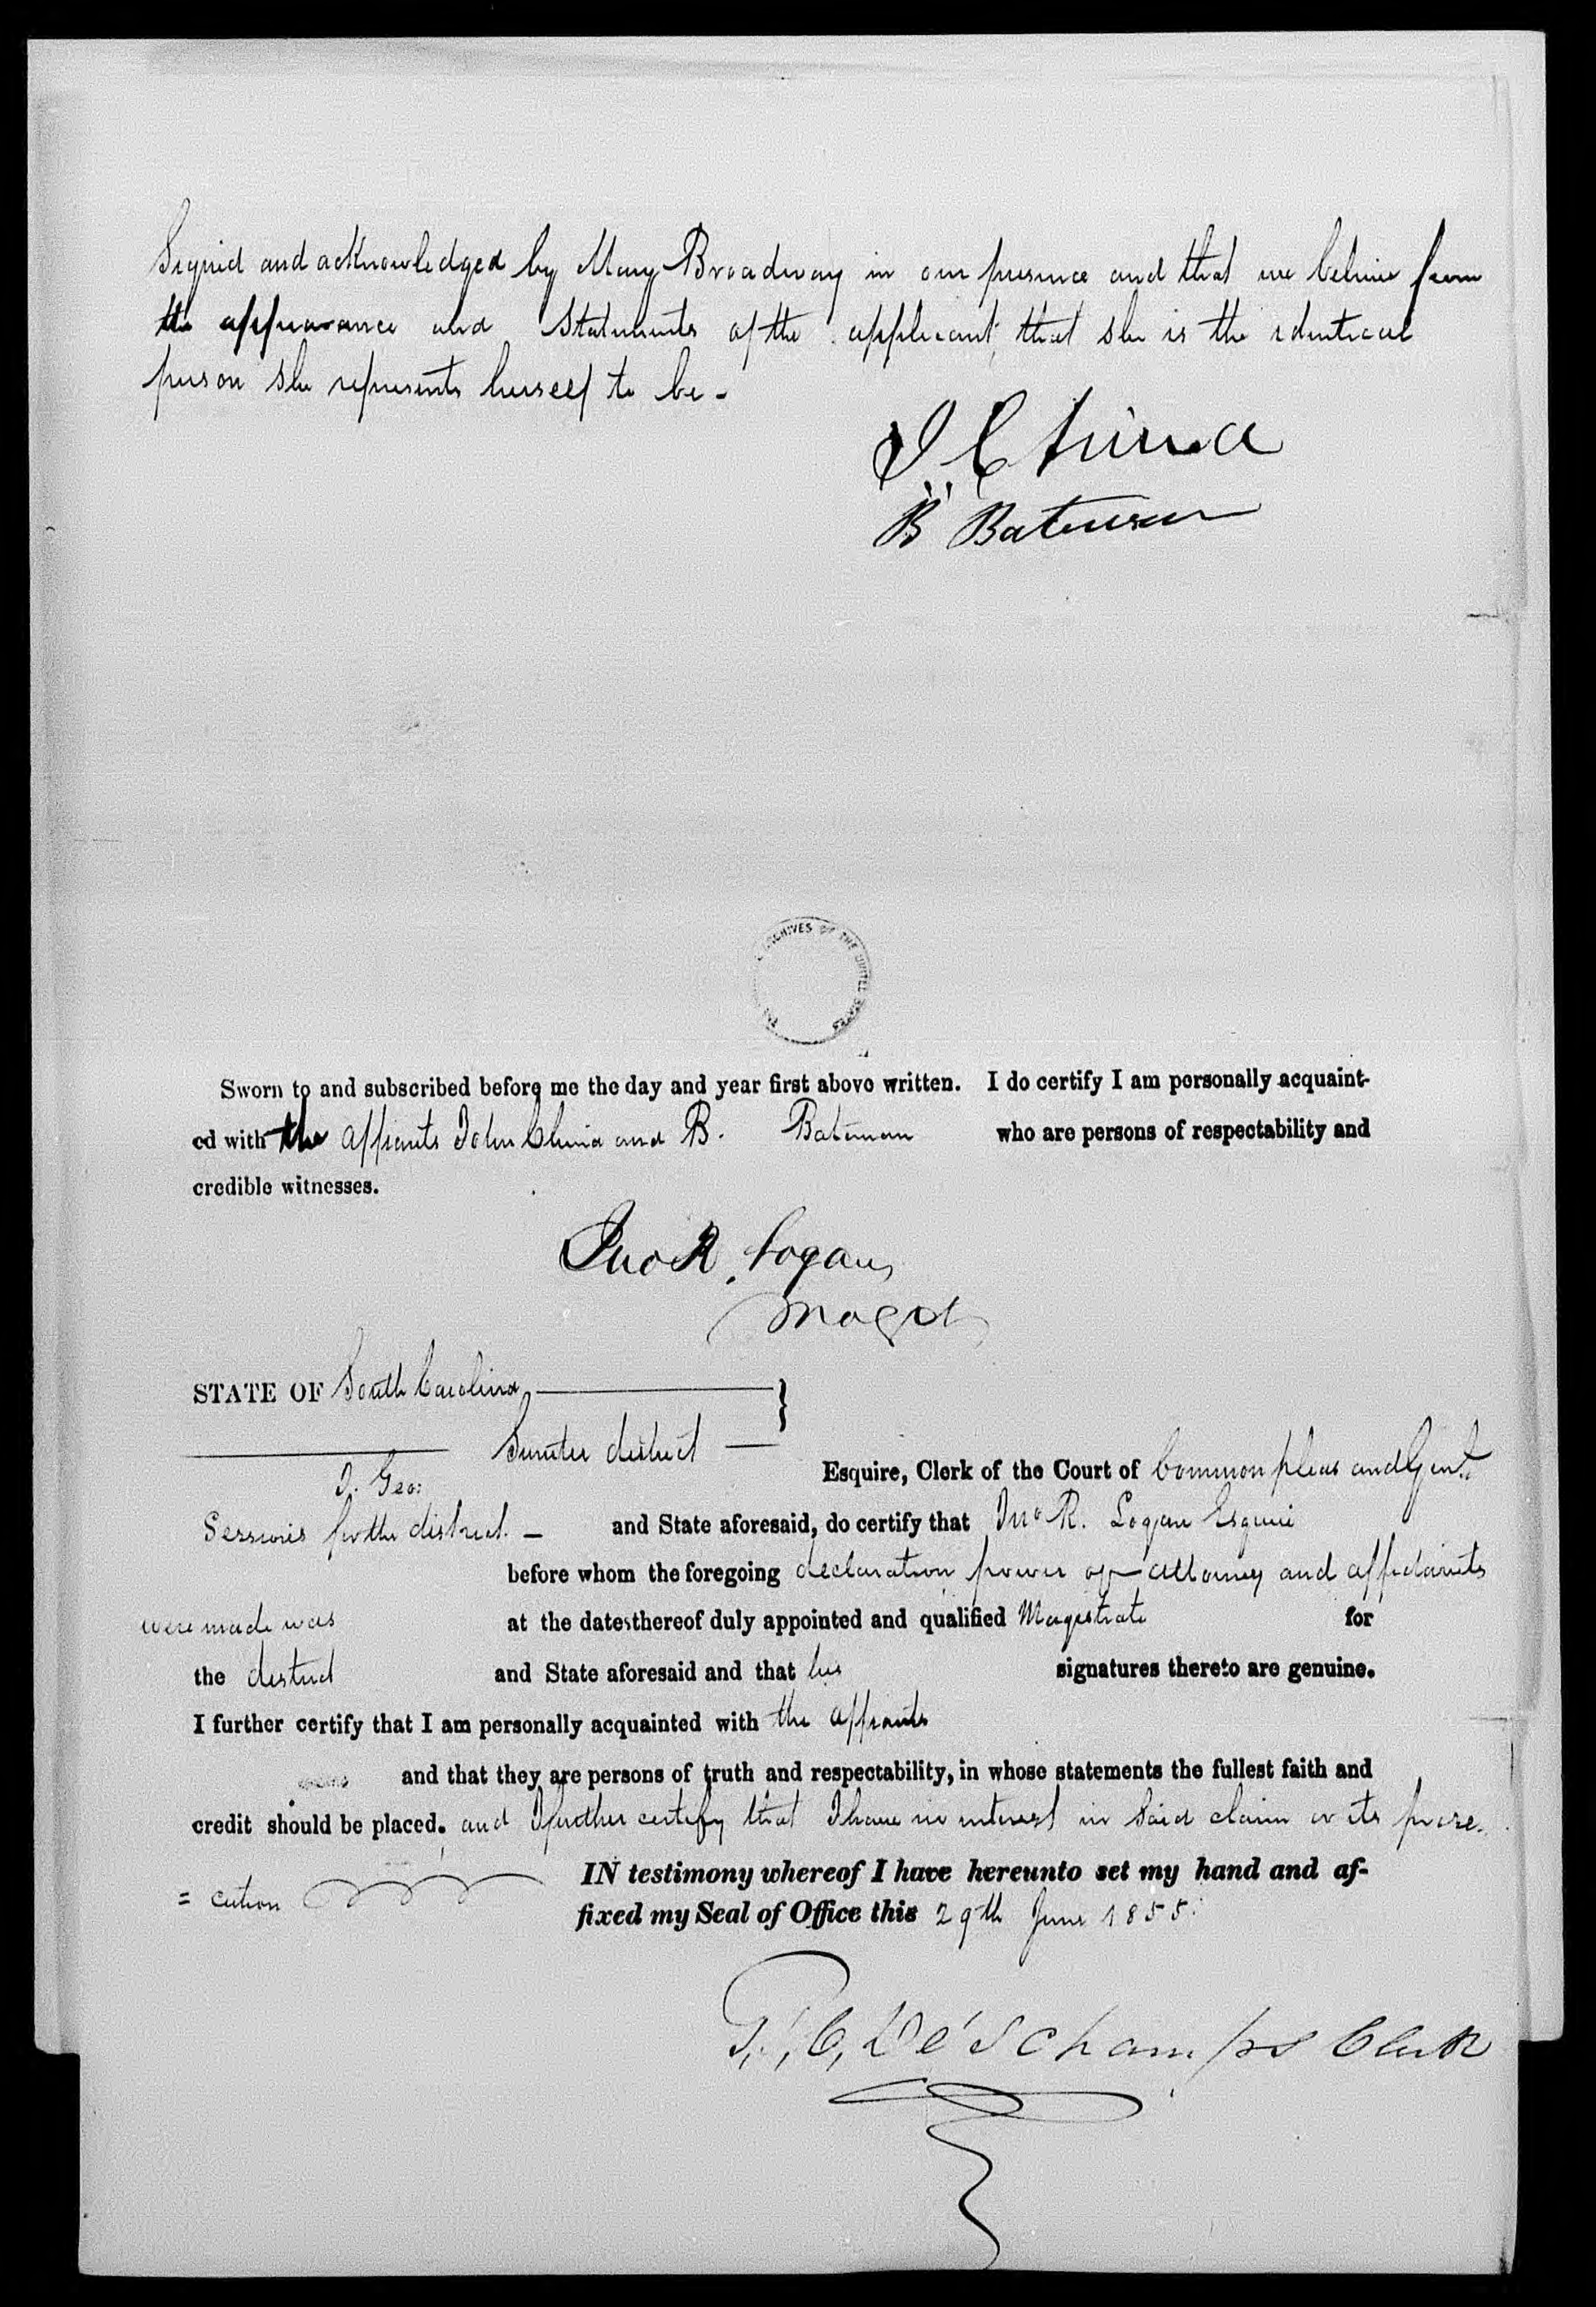Signed and acknowledged by Mary Broadway in our presence and that we believe from
appearance and statement of the applicant that she is the identical
person she represents herself to be.
[illegible]
B Bateman

[stamp[
THE NATIONAL ARCHIVES OF THE UNITED STATES


Sworn to and subscribed before me the day and year first above written. I do certify I am personally acquainted
with the affiants John China and B. Bateman who are persons of respectability and
credible witnesses.
Jno R. Logan
Magat
cution
-
STATE OF South Carolina
Sumter district
Esquire, Clerk of the Court of Common Pleas and Genl
Sessions for the district - and State aforesaid, do certify that Jno  R.  Logan Esquire
before whom the foregoing declaration power of attorney and affidavits
at the dates thereof duly appointed and qualified Magistrate for
and State aforesaid and that his      signatures thereto are genuine.

I further certify that I am personally acquainted with the affiant
and that they are persons of truth and respectability, in whose statements the fullest faith and
credit should be placed. and I further certify that I have no interest in said claim or its prosecution

IN testimony whereof I have hereunto set my hand and 
affixed my Seal of Office this 29th June 1855.
G.C. De 'Champs Clerk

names: John China, B Bateman, J China, G C De'Schamps, B Bateman, Mary Broadway, Jno R Logan, Jno R Logan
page: 9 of 98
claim: widow's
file: W. 8398, William Broadway, S.C.